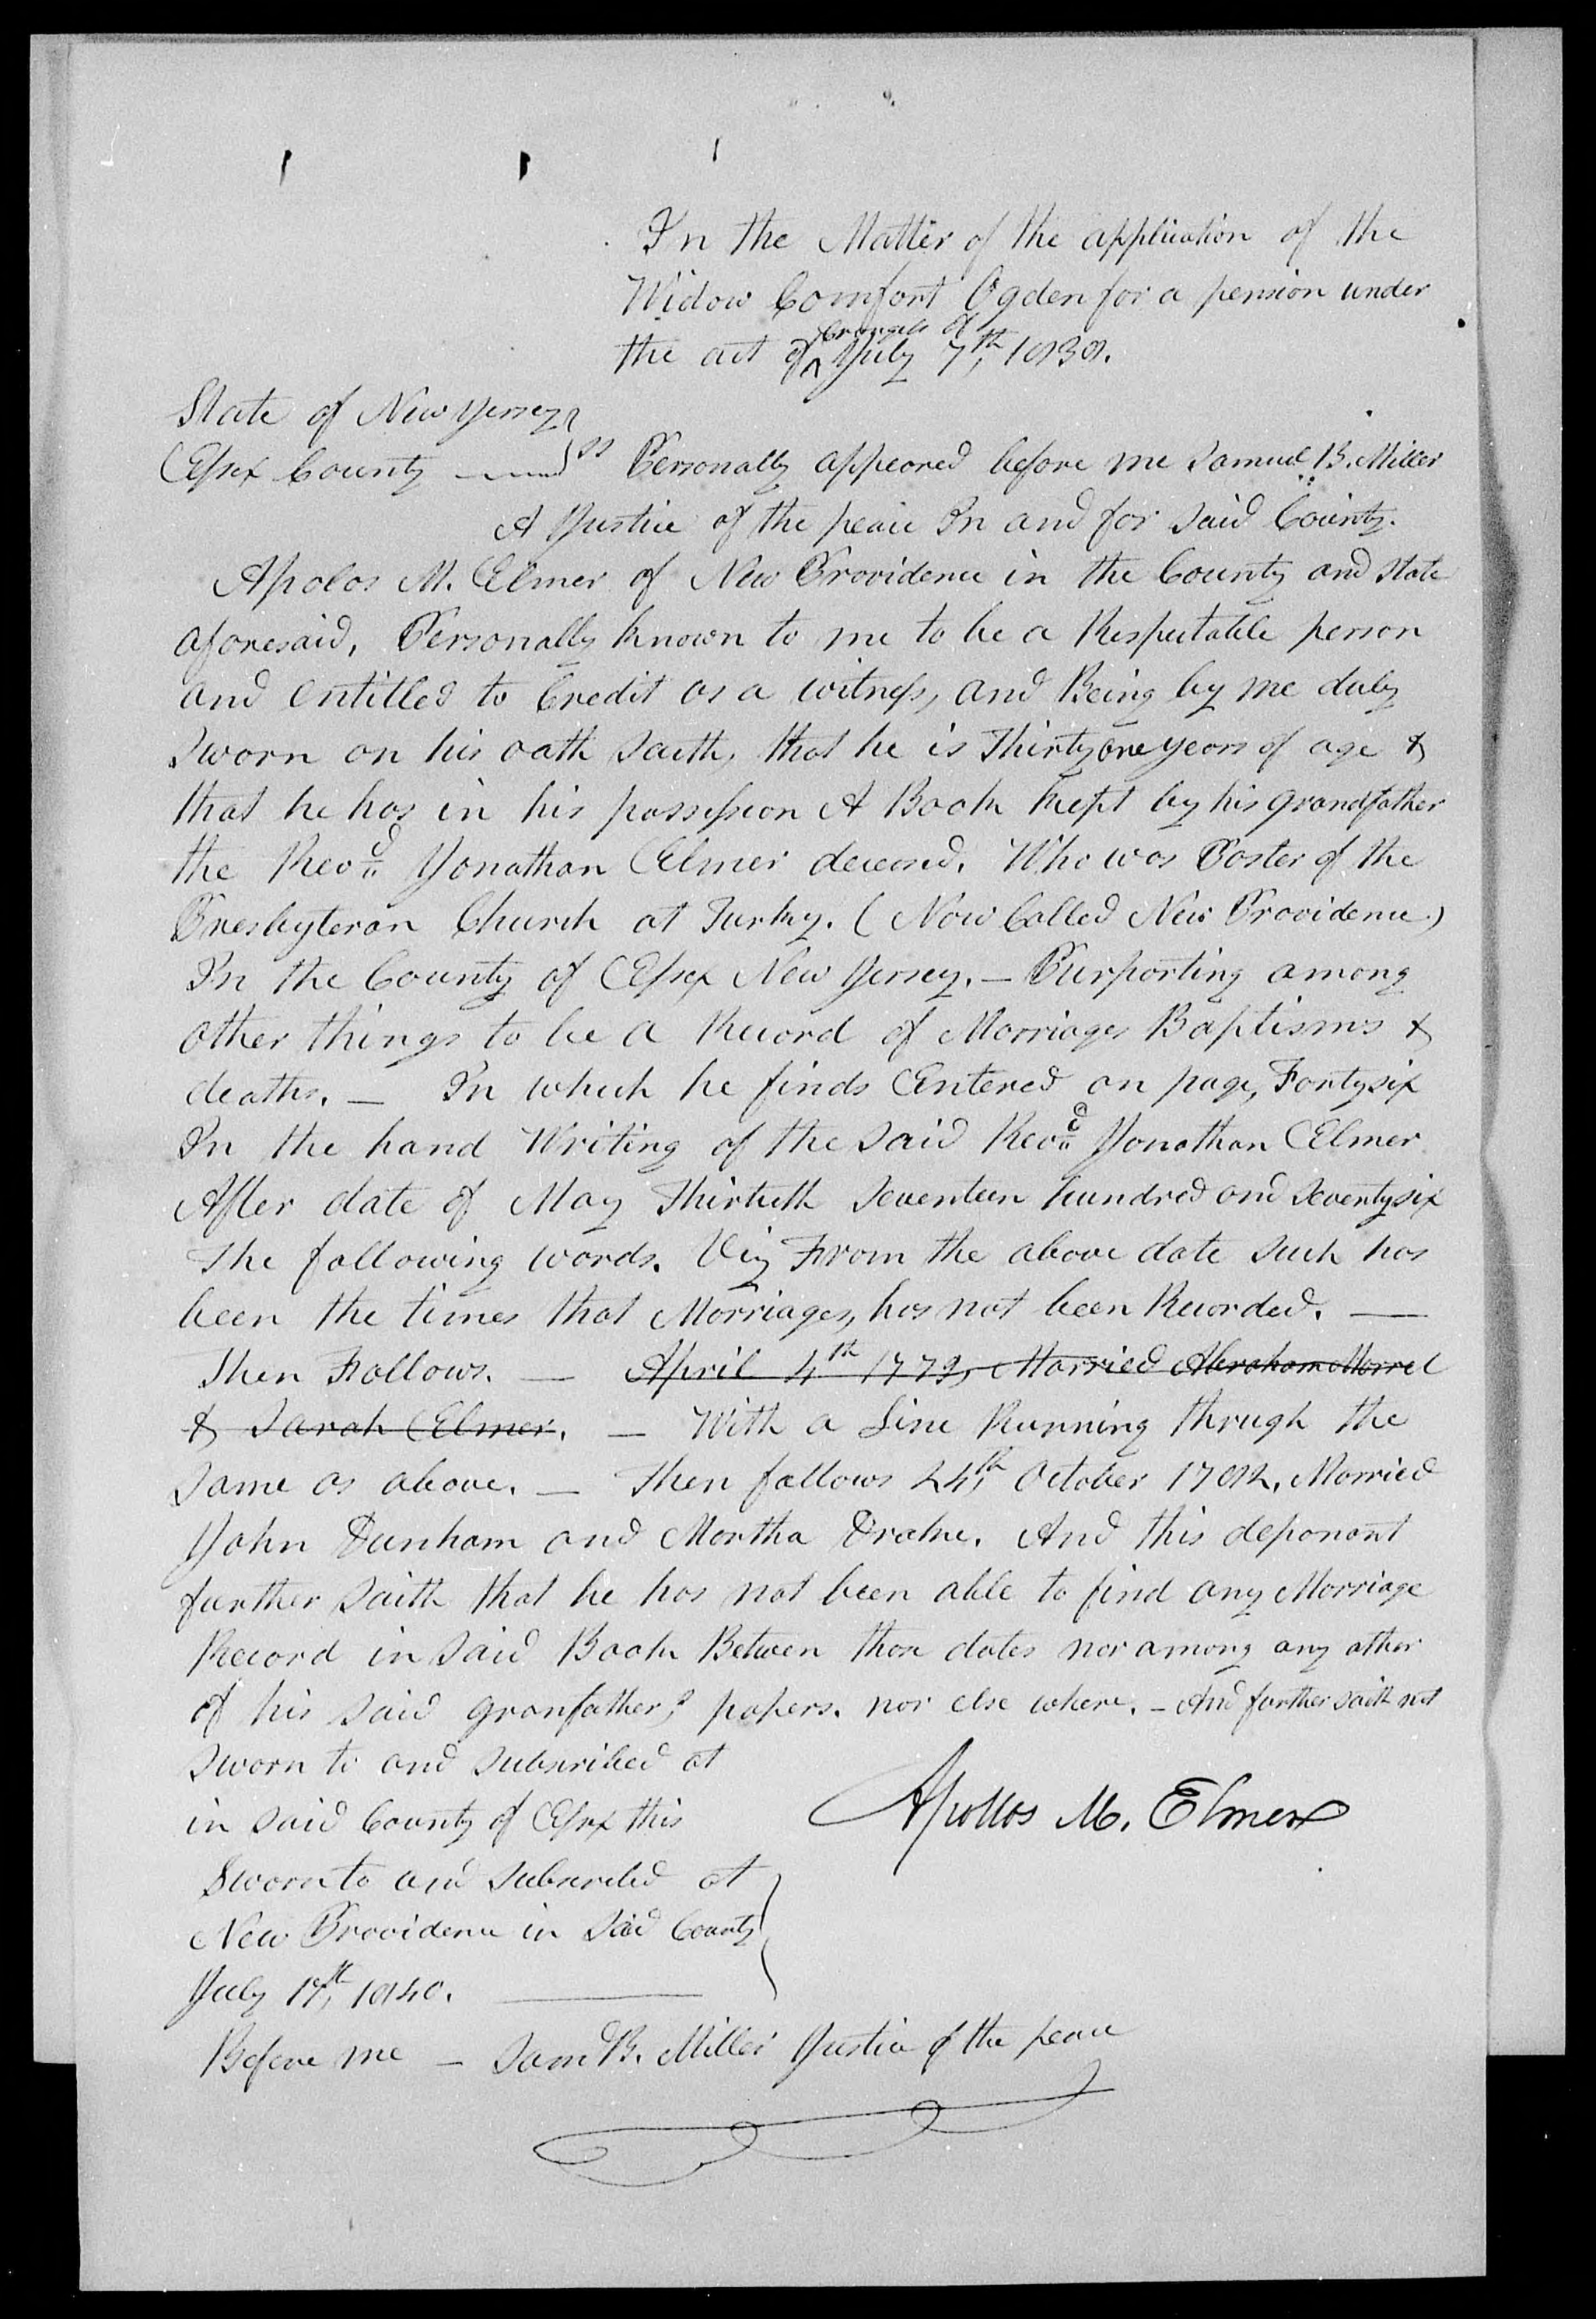In the Matter of the application of the
     Widow Comfort Ogden for a pension under
     the act of Congress of July 7th, 1838.

State of New Jersey  )
Essex county             ) ss
Personally appeared before me Samuel B. Miller A Justice of the peace In and for said County. Apollos M. Elmer of New Providence in the County and State aforesaid, Personally known to me to be a Respectable person and entitled to Credit as a witness, and Being by me duly Sworn on his oath saith, that he is Thirty one years of age & that he has in his possession A Book kept by his grandfather the Revd. Jonathan Elmer deceased.  Who was Paster of the Presbyteran Church at Turkey. (Now Called New Providence) In the County of Essex New Jersey. - Purporting among other things to be a Record of Marriage Baptisms & deaths. - In which he finds Entered on page Fortysix In the hand Writing of the said Revd. Jonathan Elmer After the date of May Thirtieth Seventeen hundred and Seventysix The following words, Viz From the above date such has been the times that Marriages, has not been Recorded. - Then Follows. - April 4th 1779, Married Abraham Morrel & Sarah Elmer - With a Line Running through the same as above. - Then follows 14th October 1704, Married John Dunham and Martha Drake.  And this deponent further Saith that he has not been able to find any Marriage Record in Said Book Between those dates nor among any other of his said granfather's papers, nor else where. - And further saith not
   Apollos M. Elmer
Sworn to and Subscribed at
in said County of Essex this
Sworn to and Subscried at        )
New Providence in said County )
July 17th, 1840                            )
Before me - Sam B. Miller Justice of the peace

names: Mertha Drake; Comfort Ogden; John Dunham; Samuel B Miller; Apolos M Elmer; Jonathan Elmer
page: 7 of 25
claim: widow's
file: W. 187, for Ludlow Ogden, New Jersey